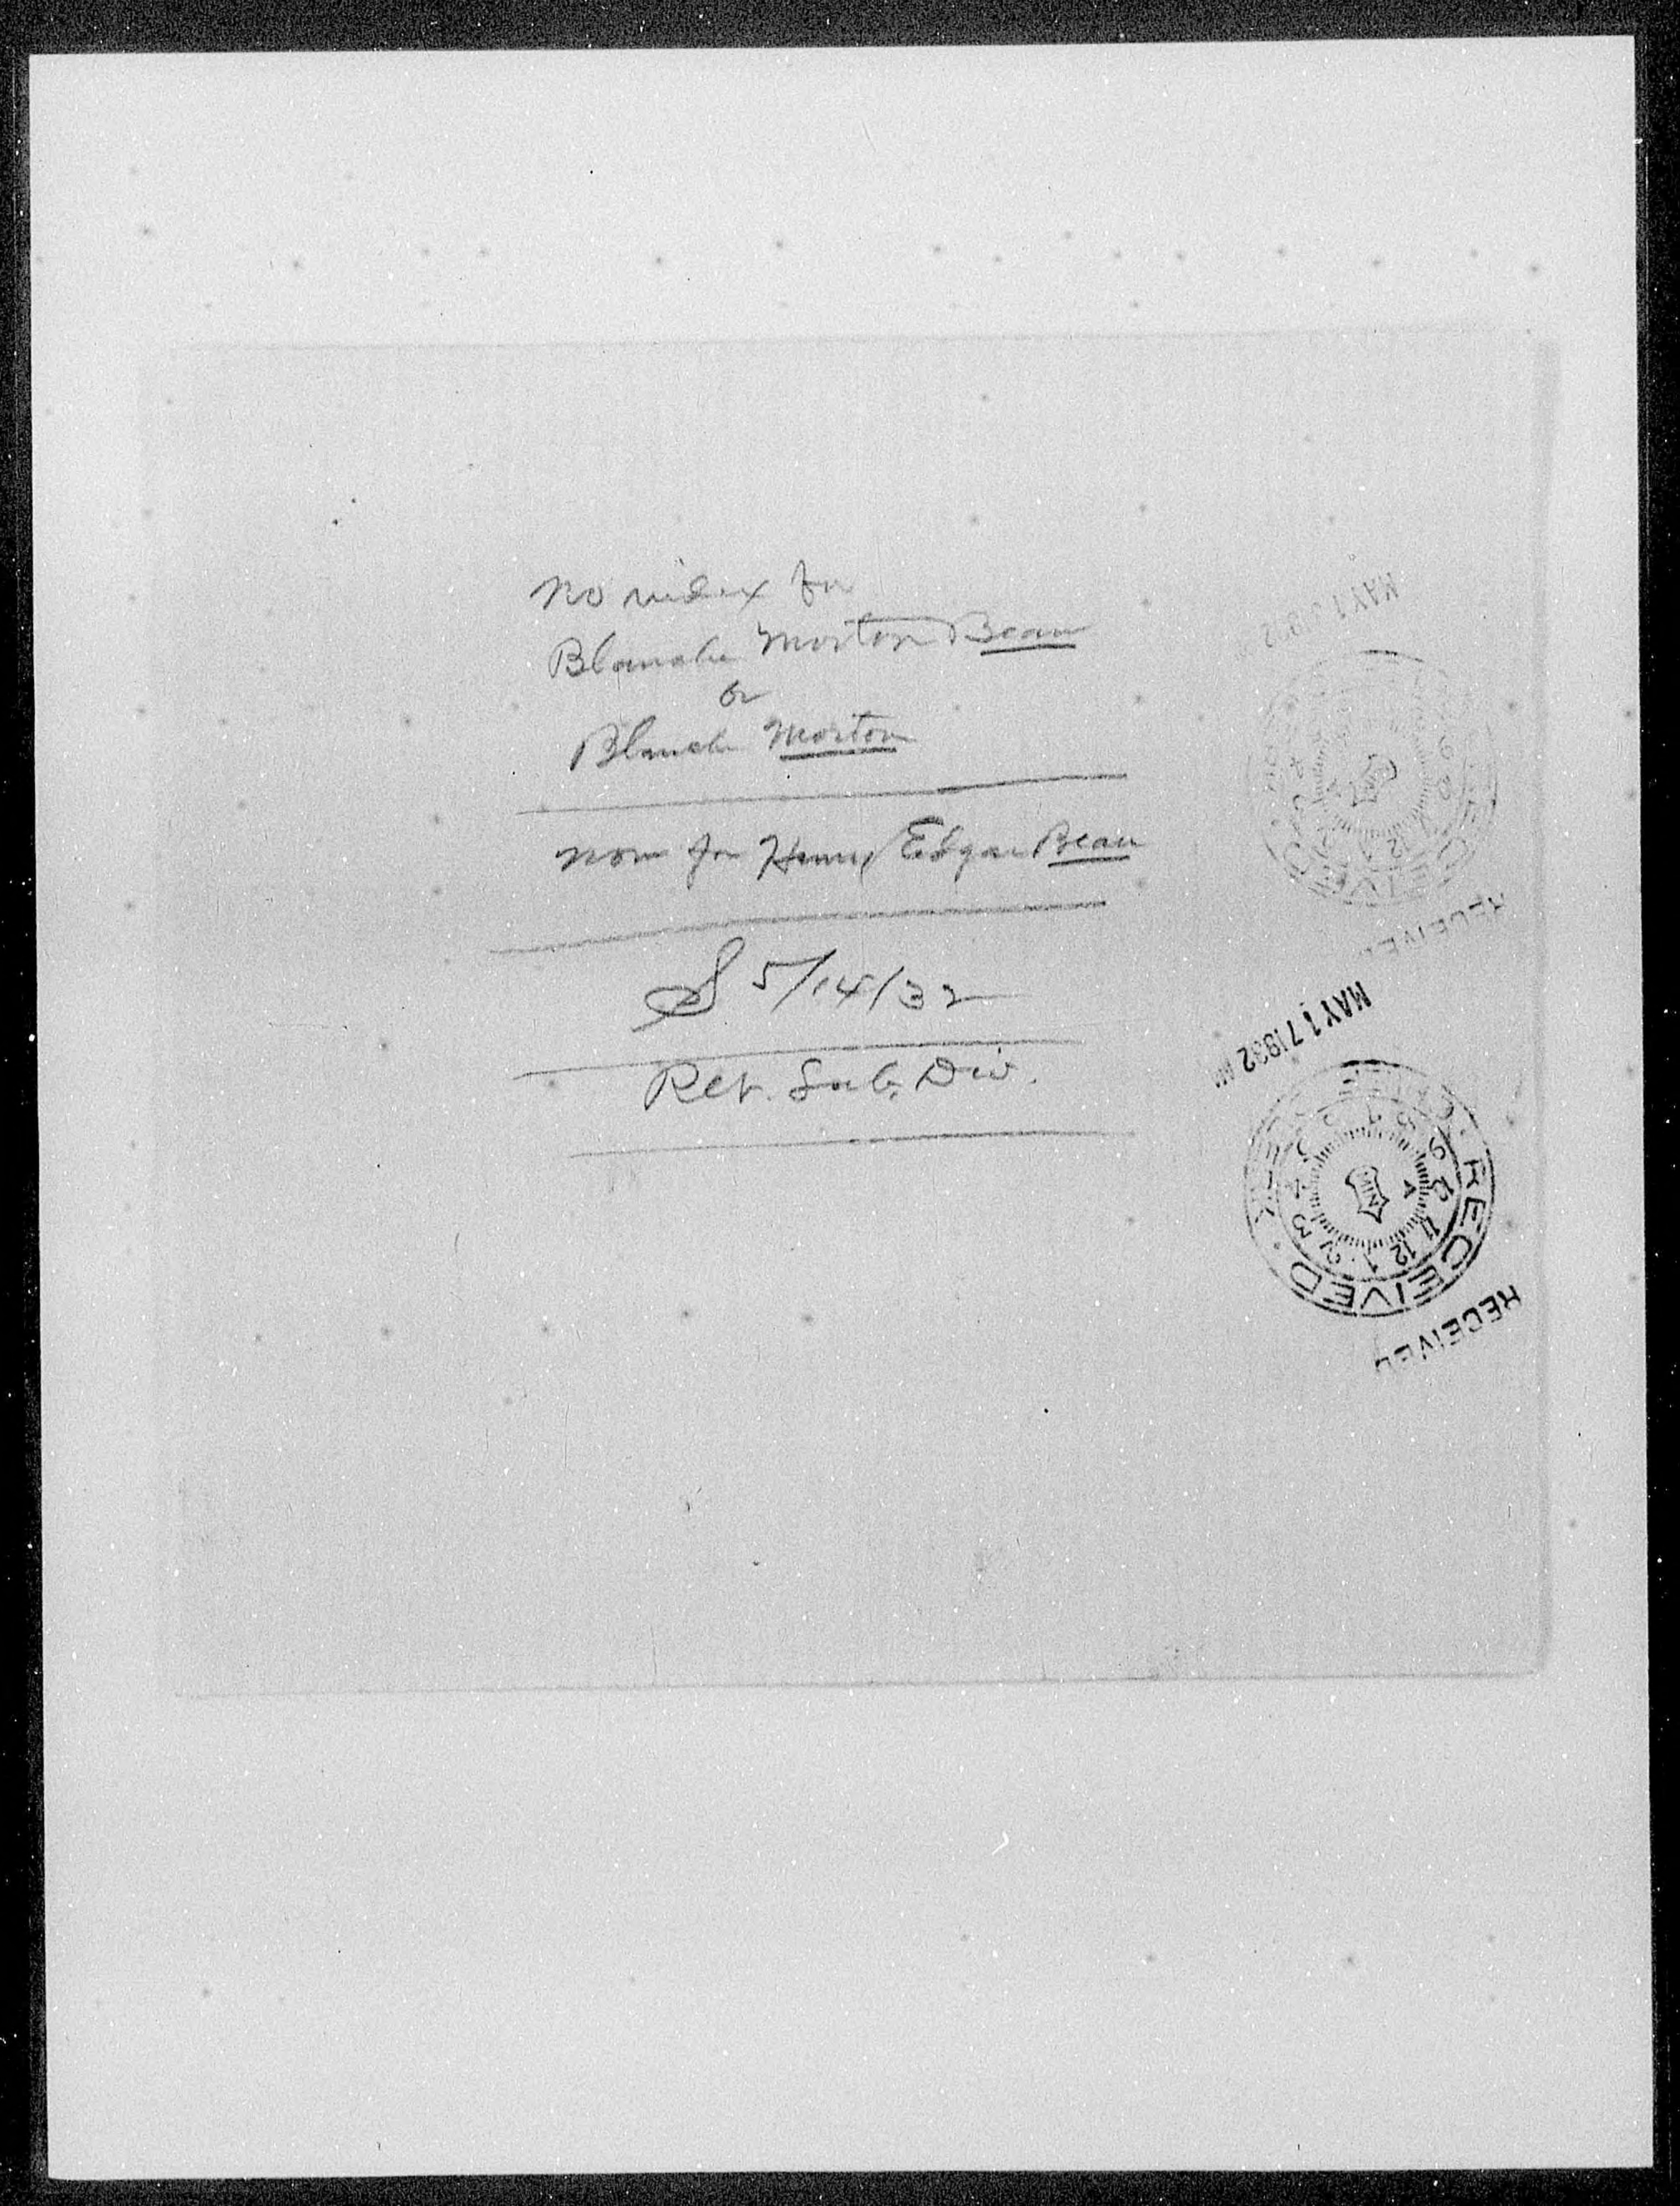no index for Blanche Morton Bean or Blanche Morton

none for Henry Edgar Bean

S 5/14/32
Per sub Div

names: Blanche Morton Bean; Henry Edgar Bean; Blanche Morton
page: 14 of 23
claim: survivor's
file: S. 27257, for John Norcross, Pennsylvania